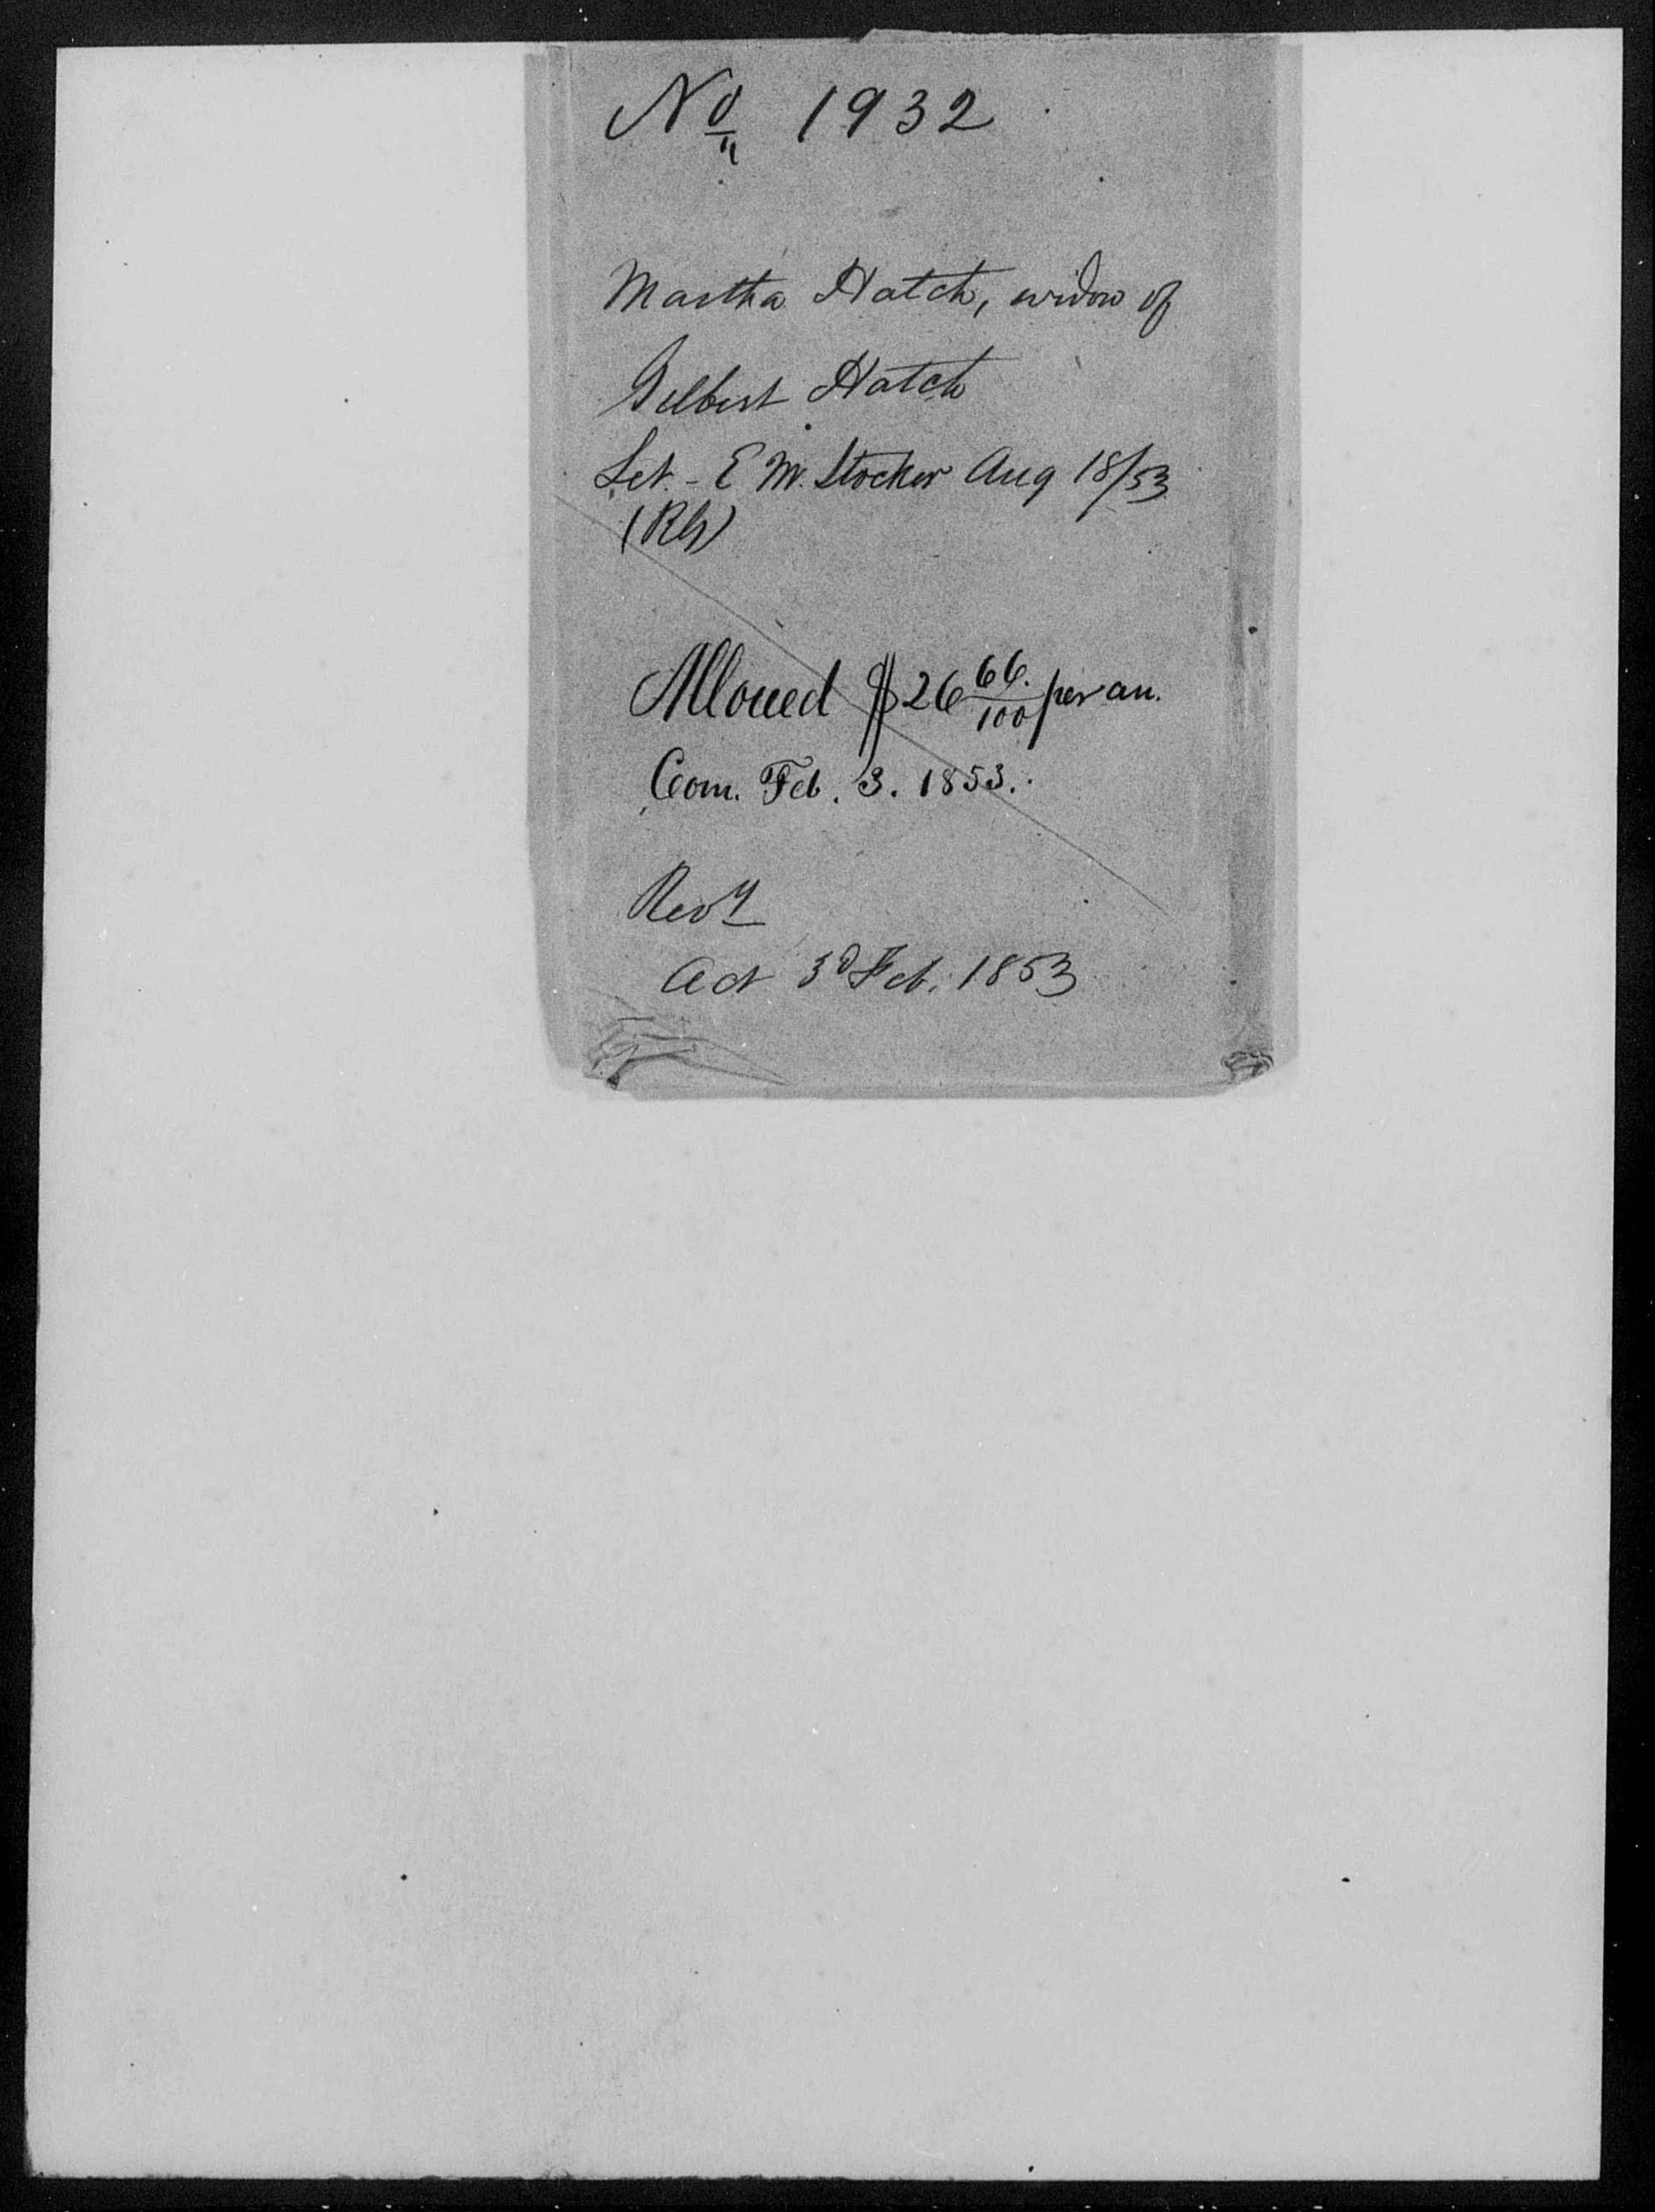No. 1932

Martha Hatch, widow of
Gilbert Hatch
Let. - E M. Stocker Aug 18/53
(RG)

Alliowed $26.66/100 per an.
Com. Feb. 3. 1853.

Revy
Act 3d Feb. 1853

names: Gilbert Hatch, E M Stocker, Martha Hatch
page: 38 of 47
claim: widow's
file: W. 225, Gilbert Hatch, Conn.